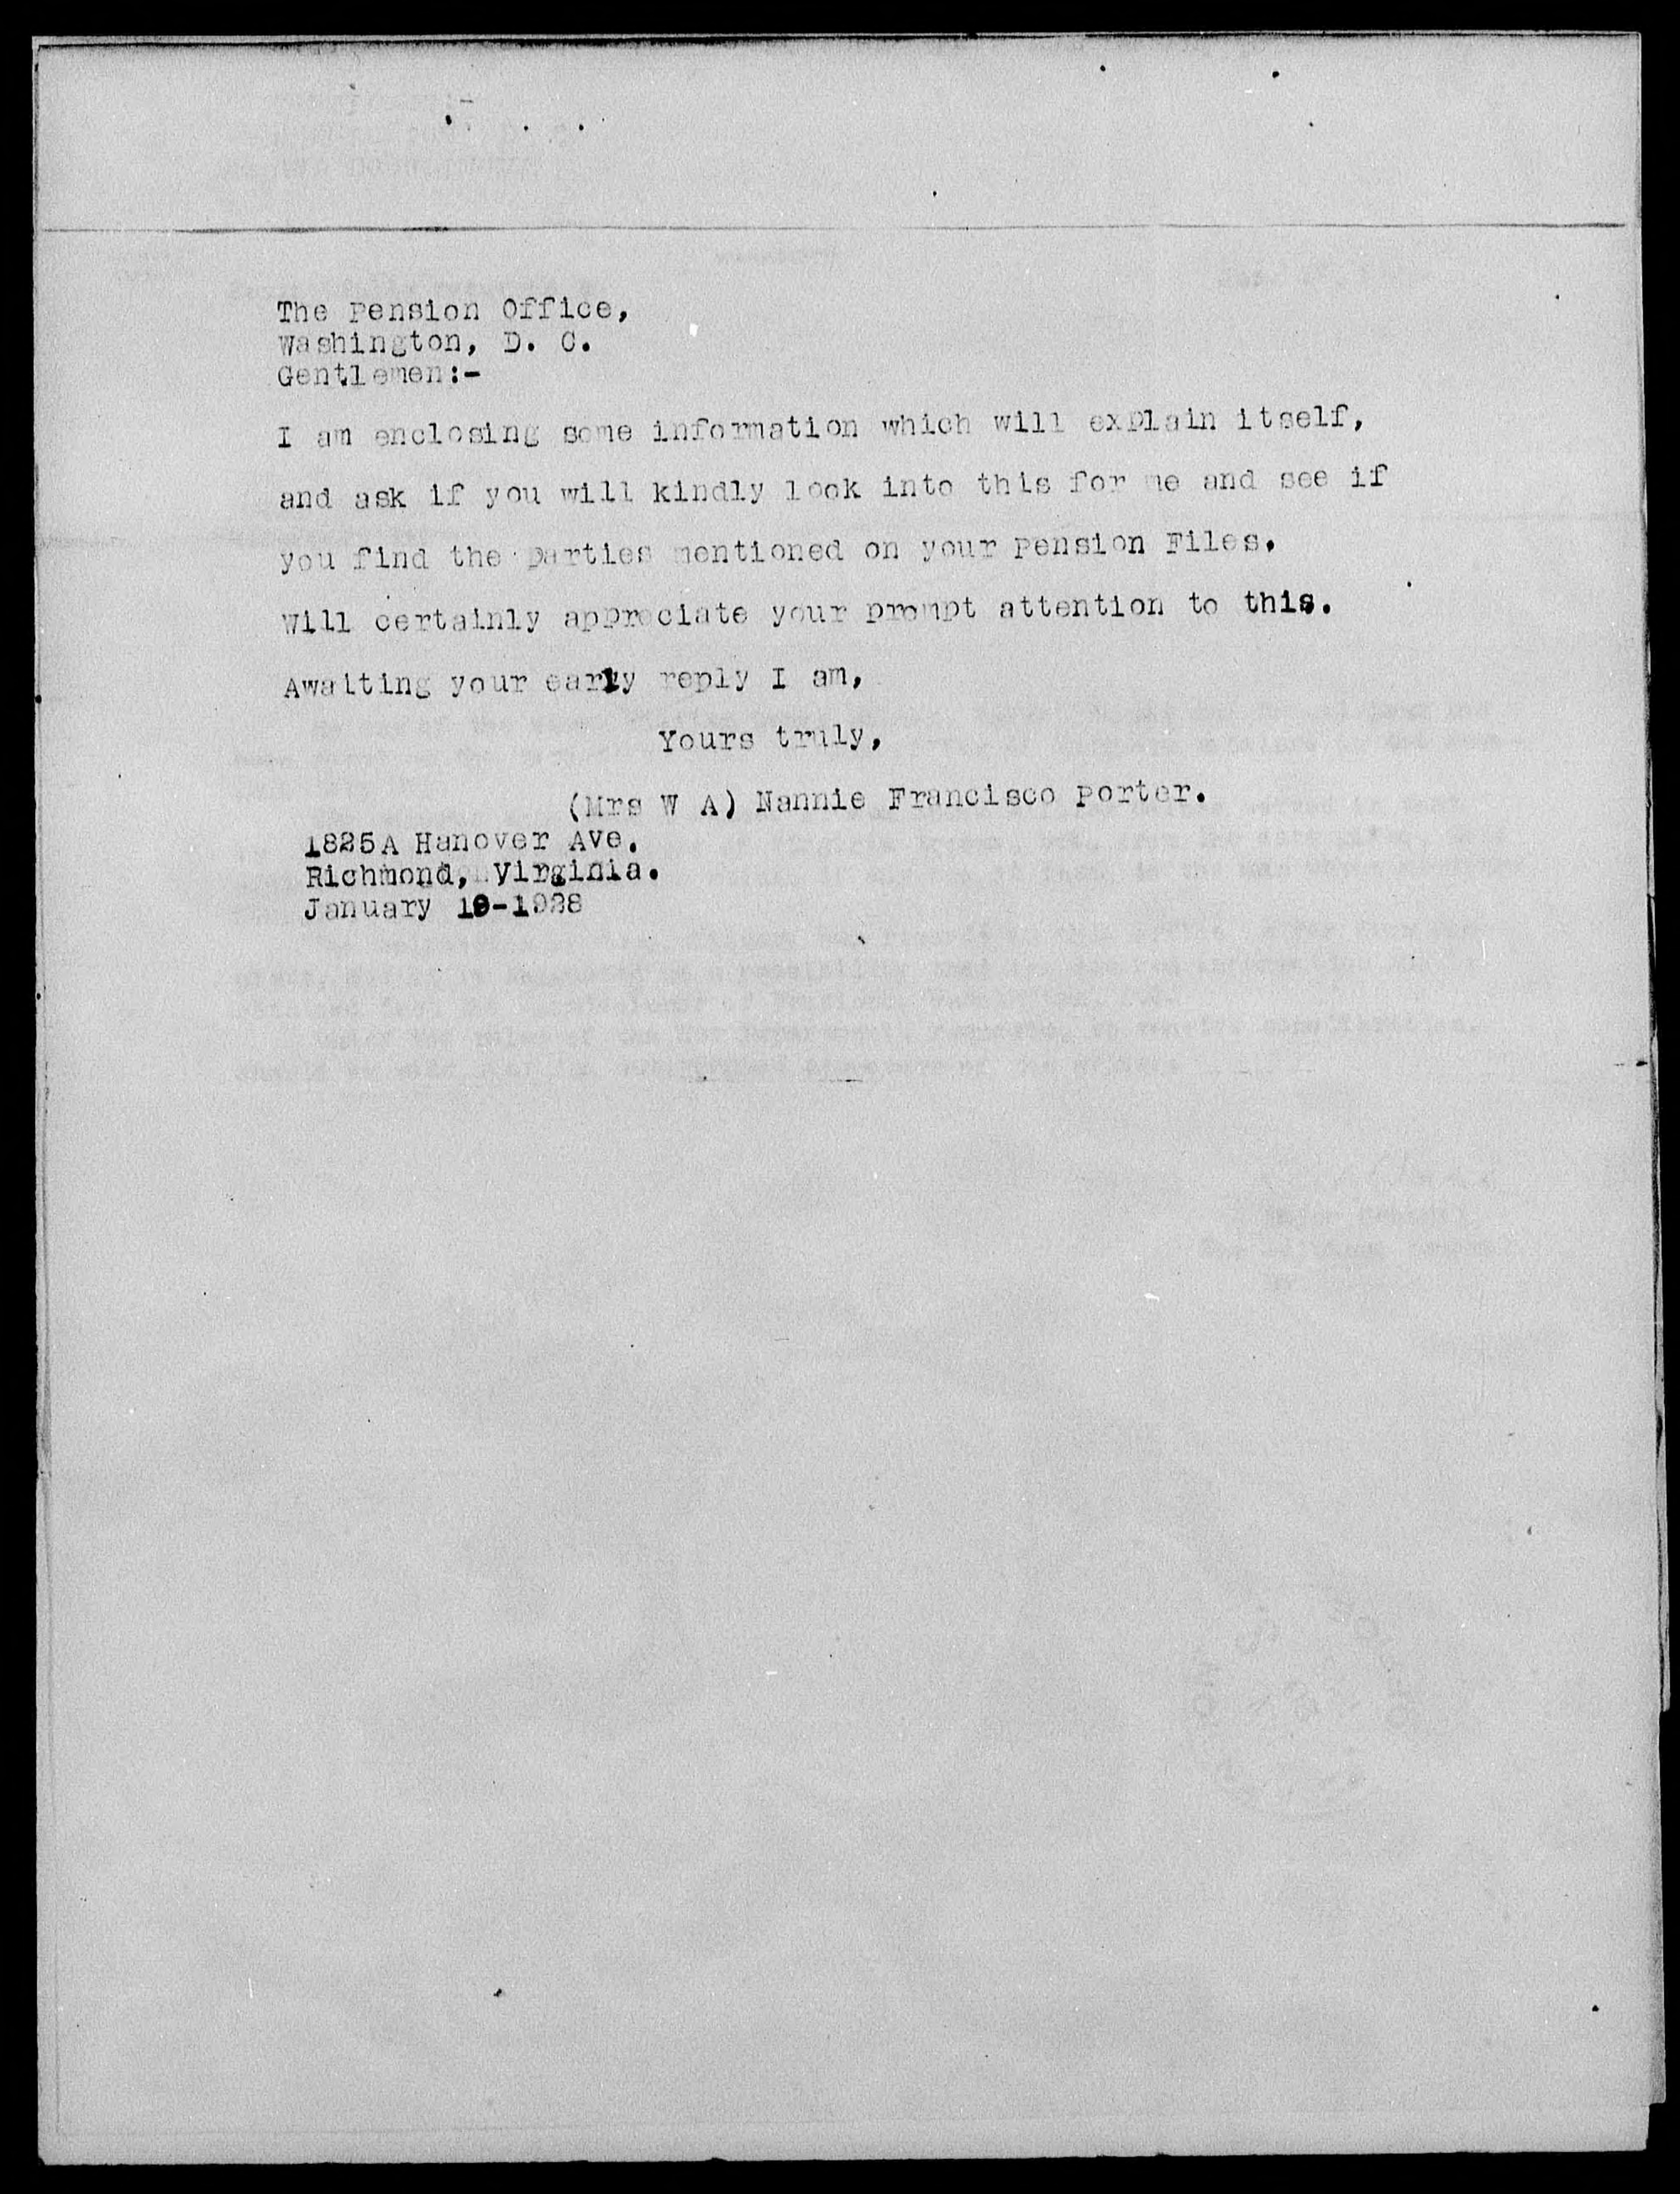The Pension Office,
Washington, D. C.
Gentlemen:-
I am enclosing some information which will explain itself,
and ask if you will kindly look into this for me and see if
you find the parties mentioned on your pension Files,
will certainly appreciate your prompt attention to this.
Awaiting your early reply I am,
Yours truly,
(Mrs W A) Nannie Francisco Porter.
1825A Hanover Ave.
Richmond, Virginia.
January 19 - 1928

U. S. PENSION OFFICE
JAN
20
1928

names: W A Porter, Nannie Francisco Porter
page: 46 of 79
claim: rejected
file: R. 3863, Robert Gaines, Va.